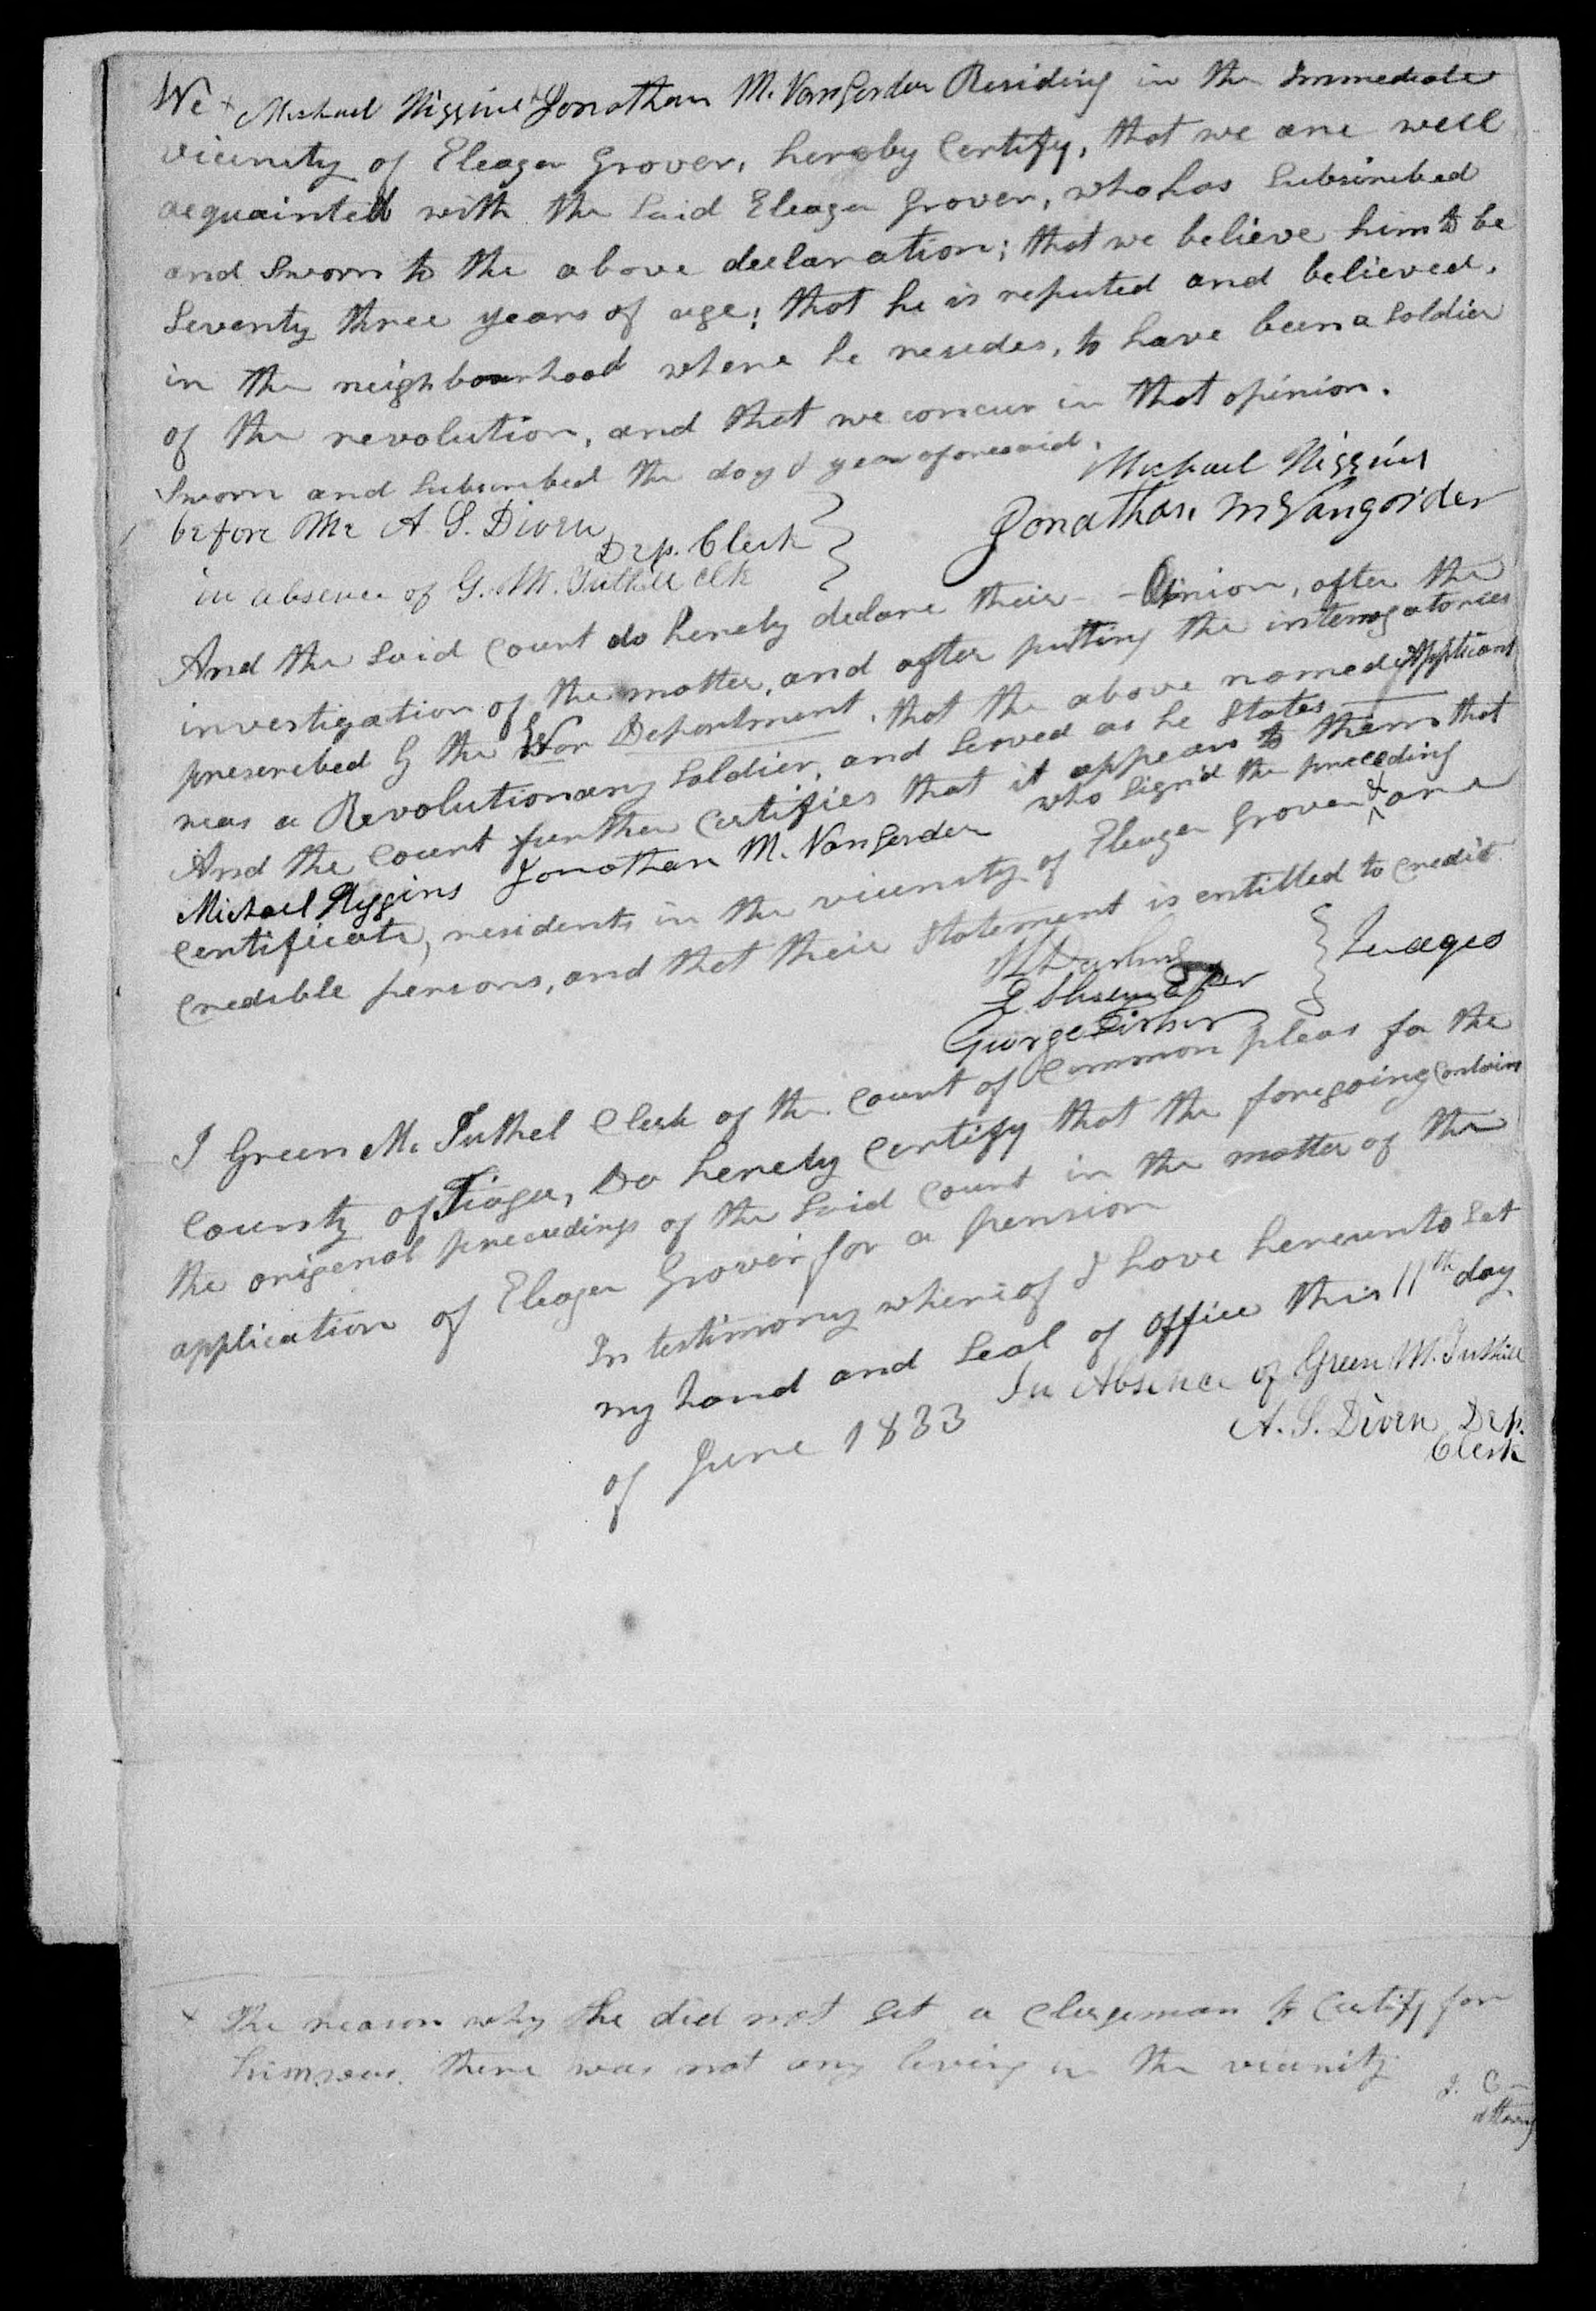We * Michael Higgins & Jonathan M VanGorder Residing in the Immediate vicinity of Eleazer Grover, hereby certify, that we are well acquainted with the Said Eleazer Grover, who has Subscribed and Sworn to the above declaration; that we believe him to be Seventy three years of age; that he is reputed and believed, in the neighborhood where he resides, to have been a soldier of the revolution, and that we concur in that opinion. 
/s/Michael Higgins
/s/Jonathan M. Vangorder
before Mr. A. S. Diven, Dep. Clerk in the absence of G. M. Tuthill clk }
And the said Court do hereby declare their Opinion, after the investigation of the matter, and after putting the interrogatories prescribed by the War Department, that the above named Applicant was a Revolutionary Soldier, and served as he states.
And the Court further certifies that it appears to them that Michael Higgins Jonathan M. Vangorder who sign'd the preceding certificate, residents in the vicinity of Eleazer Grover & are credible persons, and that their statement is entitled to credit.
/s/H Dashins }
/s/E. Shoemaker }
/s/George Fisher } Judges
I Green M. Tuthill Clerk of the Court of Common pleas for the County of Tioga, Do hereby certify that the foregoing contains the original proceedings of the said Court in the matter of the application of Eleazer Grover for a pension
[court seal affixed] In testimony whereof I have hereunto set my hand and Seal of Office this 11th day of June 1833 
In Absence of Green M. Tuthill /s/A. S. Diven Dep. Clerk 

*The reason why he did not get a Clergyman to Certify for him was, there was not any living in the vicinity /s/J. C - attorney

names: Michael Higgins, A S Diven, Eleazer Grover, Eleazer Grover, Eleazer Grover, Jonathan M Van Gorder, Green M Tuthill, Michael Higgins, E Shomaker, A S Diven, Michael Higgins, George Fisher, Jonathan M Vangorder, G M Tuthill, Eleazer Grover, Jonathan M Van Gorder, Green M Tuthel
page: 5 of 43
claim: survivor's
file: S. 28748, Eleazer Grover, Continental Mass. Vt.